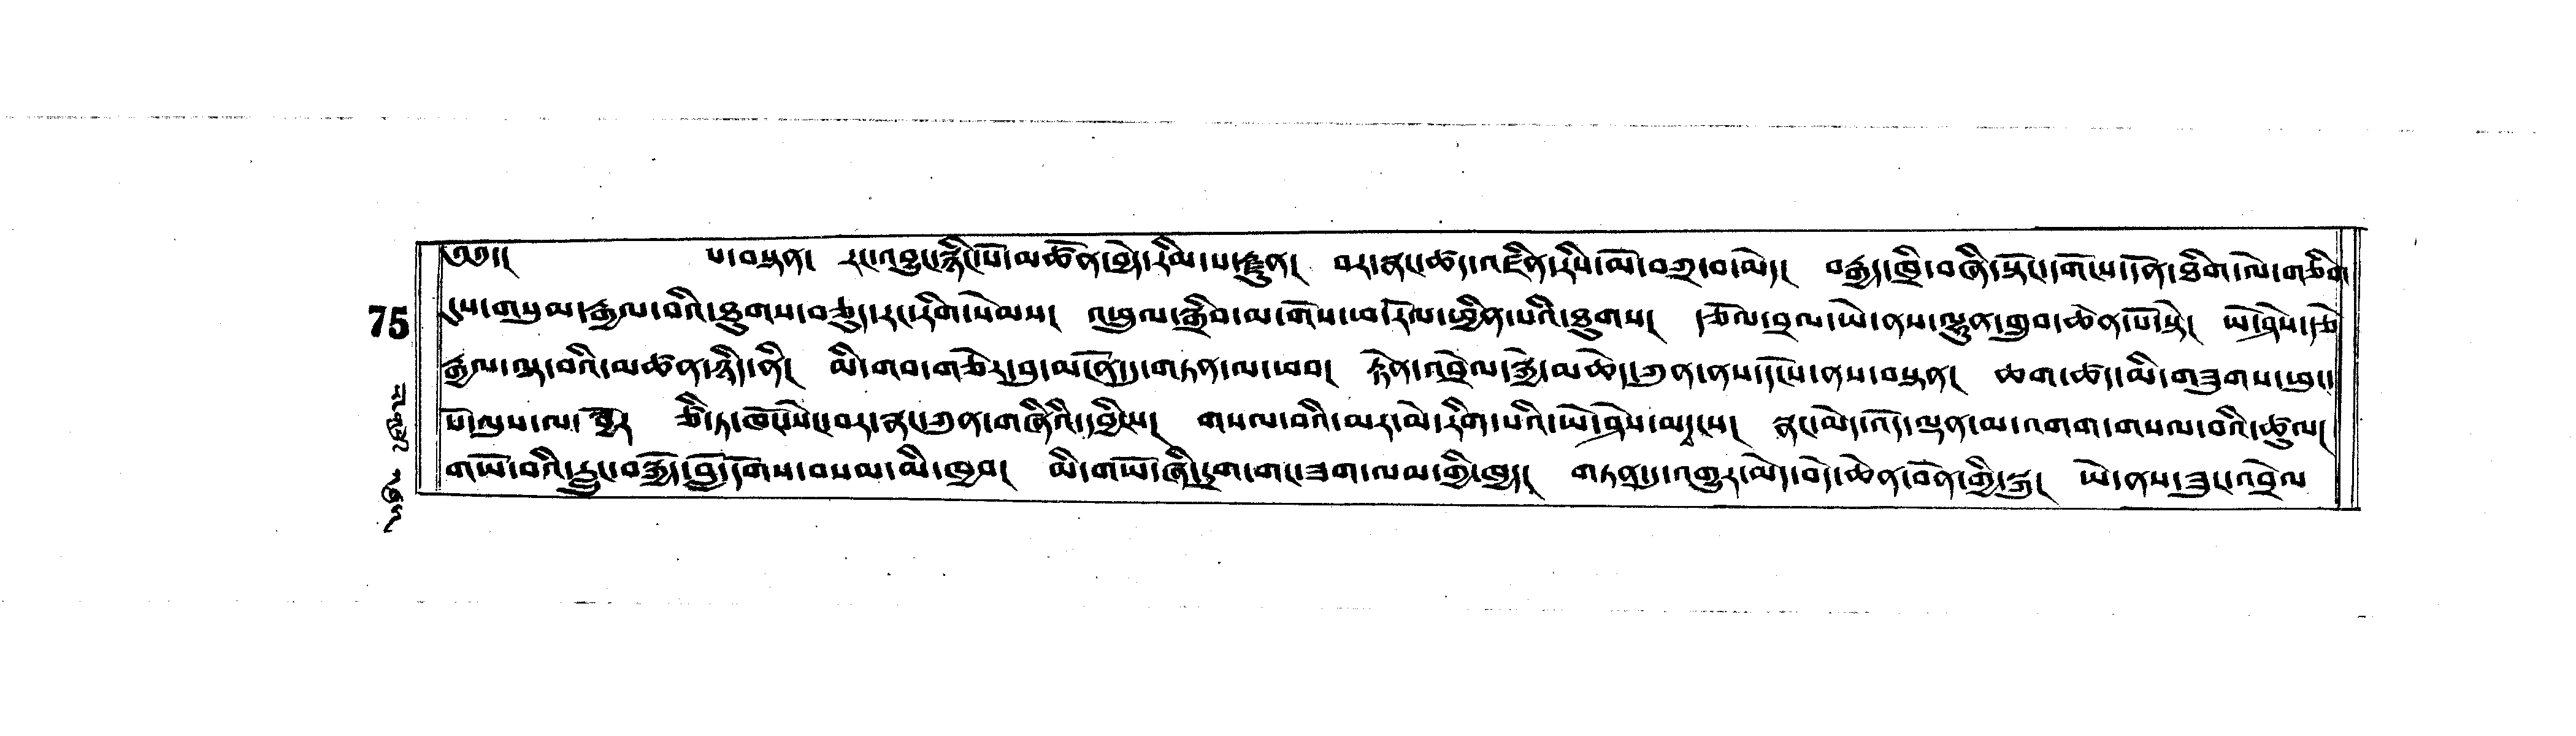པ་བསྟན། རང་འབྱུང་སྙིང་པོ་མཚོན་བྱེད་རིམ་པ་རྫུན། བར་སྣང་ཚད་འཛིན་རི་མོ་བཀྲ་བ་མེད། བརྒྱད་ཁྲི་བཞི་སྟོང་དགོངས་དོན་ཐིག་ལེ་གཅིག 
དུས་གསུམ་རྒྱལ་བའི་ཐུགས་བཅུད་རང་རིག་སེམས། འཕྲུལ་སྒྲིབ་མ་གོས་ཕ་རོལ་ཕྱིན་པའི་ཐུགས། རྩོལ་བྲལ་ཡེ་ནས་ལྷུན་གྲུབ་ཆེན་པོ་སྟེ། ཡེ་ཤེས་རྩེ་
རྒྱལ་ལྟ་བའི་མཚན་ཉིད་ནི། མི་གབ་གཅེར་བུ་མངོན་དུ་གཏན་ལ་ཕབ། རྟེན་འབྲེལ་སྐྱེ་མཆེད་ཀུན་ནས་དངོས་ནས་བསྟན། ཆག་ཚད་མི་གཟུགས་ཕུང་
པོ་ལུས་ལ་སྦྱོར། ཙི་ཏ་ཁོང་སེང་བར་སྣང་ཀུན་གཞིའི་དབྱིངས། གསལ་བའི་མར་མེ་རིག་པའི་ཡེ་ཤེས་མདངས། སྣང་མེད་འོད་ལྡན་མ་འགག་གསལ་བའི་ཚུལ། 
གཡོ་བའི་རླུང་སྐྱོད་བློ་དོག་བསམ་མི་ཁྱབ། མི་གཡོ་ཞི་དྲག་གང་ཟག་ལམ་གྱི་ཁྱད། གཏན་དུ་འགྱུར་མེད་བདེ་ཆེན་བོན་གྱི་སྐུ། ཡེ་ནས་ཟུང་འབྲེལ་